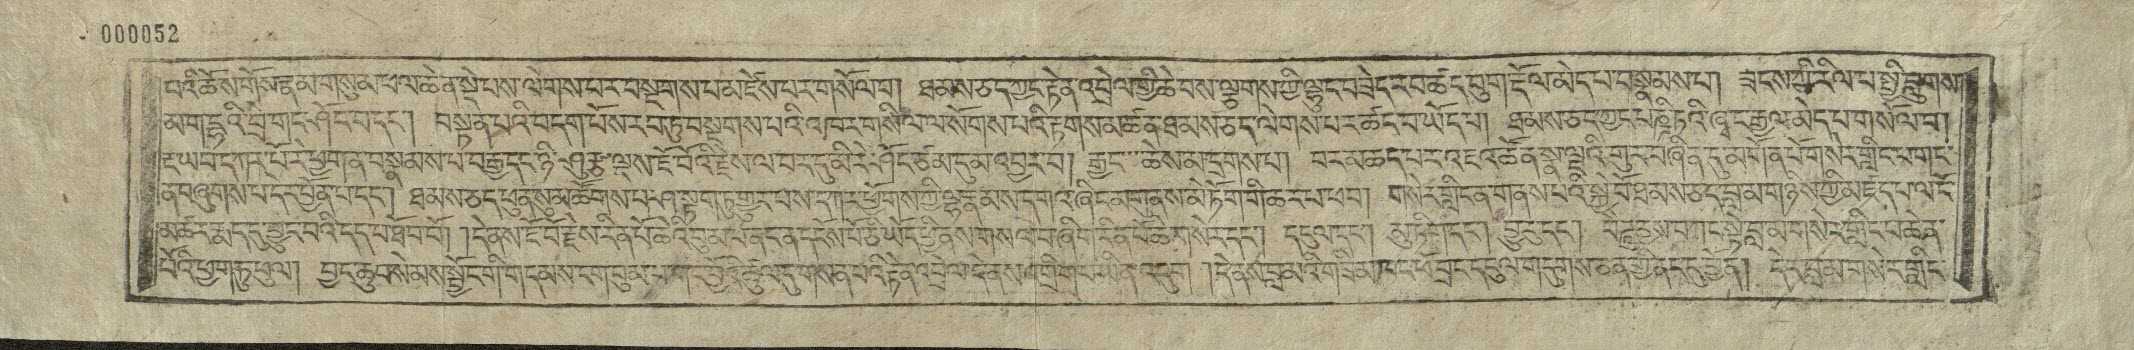བའི་ཆོས་གོས་རྣམ་གསུམ་ཕལ་ཆེན་སྡེ་པས་ལེགས་པར་བསྔགས་པ་མཛེས་པར་གསོལ་བ། ཐམས་ཅད་ཀྱང་རྟེན་འབྲེལ་གྱི་ཆེ་བས་ལྕགས་ཀྱི་ལྷུང་བཟེད་རབ་ཚད་བུག་རྡོལ་མེད་པ་བསྣམས་པ། ཟངས་ཀྱི་རིལ་པ་སྤྱི་བླུགས་
མ་ག་དྷའི་བྲེ་གང་ཤོང་བ་དང་། བསྟན་པའི་བདག་པོས་རབ་ཏུ་བསྔགས་པའི་འཁར་གསིལ་ལ་སོགས་པའི་རྟགས་མཚན་ཐམས་ཅད་ལེགས་པར་ཚང་བ་ཡོད་པ། ཐམས་ཅད་ཀྱང་པཎྜི་ཏའི་ཞྭ་ང་རྒྱལ་མེད་པ་གསོལ་བ།
རྔ་ཡབ་དཀར་པོ་རེ་ཕྱག་ན་བསྣམས་པ་བརྒྱ་དང་ཉི་ཤུ་རྩ་ལྔས་ཇོ་བོའི་རྗེས་ལ་བར་དུ་མི་རེ་ཤོང་ཙམ་དུ་མ་འབྱར་བ། རྒྱང་ཆེས་མ་དྲགས་པ། བར་མ་ཆད་པར་འཇའ་ཚོན་སྣ་ལྔའི་གུར་བཞིན་དུ་མགོན་པོ་གསེར་གླིང་པ་གང་
ན་བཞུགས་པ་དེར་བྱོན་པ་དང་། ཐམས་ཅད་ཕུན་སུམ་ཚོགས་པ་ཤ་སྟག་ཏུ་གྱུར་པས་དཀར་ཕྱོགས་ཀྱི་ལྷ་རྣམས་དགའ་ཞིང་མགུ་ནས་མེ་ཏོག་གི་ཆར་པ་ཕབ། གསེར་གླིང་ན་གནས་པའི་སྐྱེ་བོ་ཐམས་ཅད་བླ་མ་གཉིས་ཀྱི་མཛད་པ་ལ་ངོ་
མཚར་རྨད་དུ་བྱུང་བའི་དད་པ་ཐོབ་བོ། །དེ་ནས་ཇོ་བོ་རྗེས་རིན་པོ་ཆེའི་བུམ་པ་ནང་ན་དངོས་པོ་ཅི་ཡོད་ཕྱི་ནས་གསལ་བ་ཞིག་རིན་པོ་ཆེ་གསེར་དང་། དངུལ་དང་། མུ་ཏིག་དང་། བྱུ་རུ་དང་། བཻཌཱུ་རྱས་བཀང་སྟེ་བླ་མ་གསེར་གླིང་པ་ཆེན་
པོའི་ཕྱག་ཏུ་ཕུལ། བྱང་ཆུབ་སེམས་སྦྱོང་གི་གདམས་ངག་བུམ་པ་གང་བྱོའི་ཚུལ་དུ་གསན་པའི་རྟེན་འབྲེལ་དེ་ནས་འགྲིག་པ་ཡིན་འདུག །དེ་ནས་བླ་མའི་གཟིམ་ཁང་ཕོ་བྲང་དངུལ་གདུགས་ཅན་གྱི་ནང་དུ་བྱོན། དེར་བླ་མ་གསེར་གླིང་